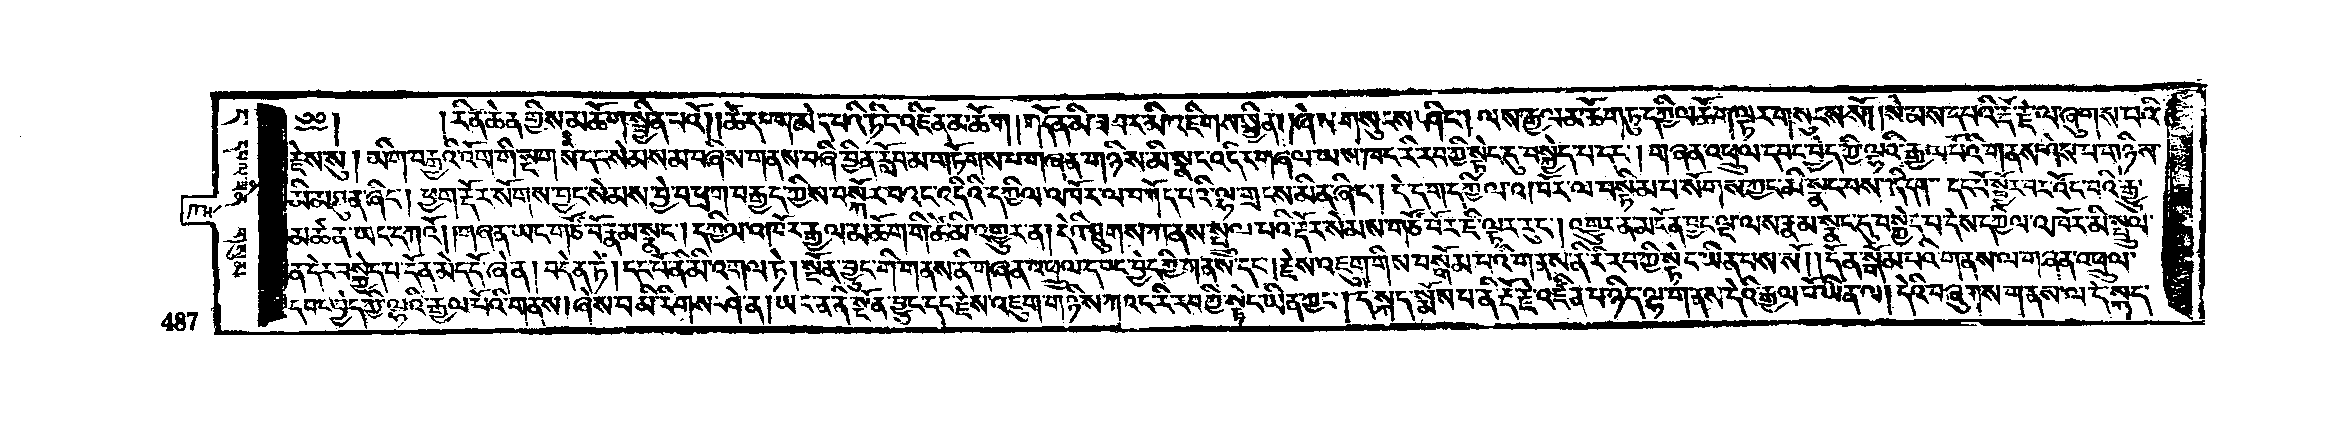༄༅། །རིན་ཆེན་གྱིས་མཆོག་སྦྱིན་པའོ། །ཚེ་དཔག་མེད་པའི་ཏིང་འཛིན་མཆོག། གདོན་མི་ཟ་བར་མི་འཇིགས་སྦྱིན། །ཞེས་གསུངས་ཤིང་། ལས་རྒྱལ་མཆོག་ཏུ་དཀྱིལ་ཆོག་ལྟར་གསུངས་སོ། །སེམས་དཔའི་རྡོ་རྗེ་ལ་ཞུགས་པའི་
རྗེས་སུ། ཡིག་བརྒྱའི་འོག་གི་སྔགས་ནི་དང་སེམས་མ་བཞིས་གནས་བཞི་བྱིན་རློབ་མ་གཏོགས་པ་གཞན་གཉིས་མི་སྣང་འདིར་གཞལ་ཡས་ཁང་རི་རབ་ཀྱི་སྟེང་དུ་བསྐྱེད་པ་དང་། གཞན་འཕྲུལ་དབང་བྱེད་ཀྱི་ལྷའི་རྒྱལ་པོའི་གནས་ཤེས་པ་གཉིས་
མི་མཐུན་ཞིང་། ཕྱག་རྡོར་སོགས་བྱང་སེམས་བྱེ་བ་ཕྲག་བརྒྱད་ཀྱིས་བསྐོར་བའང་འདིའི་དཀྱིལ་འཁོར་ལ་བཀོད་པའི་ལྷ་གྲངས་མིན་ཞིང་། དེ་དག་དཀྱིལ་འཁོར་ལ་བསྟིམ་པ་སོགས་ཀྱང་མི་སྣང་བས་འདི་དག་དང་པོ་སྦྱོར་བར་འོང་བའི་རྒྱུ་
མཚན་ཡང་དཀའོ། །གཞན་ཡང་གཙོ་བོ་རྣམ་སྣང་། དཀྱིལ་འཁོར་རྒྱལ་མཆོག་གི་ཚེ་མི་འགྱུར་ན། དེའི་ཐུགས་ཀ་ནས་སྤྲུལ་པའི་རྡོར་སེམས་གཙོ་བོར་ཇི་ལྟར་རུང་། འགྱུར་ན་མངོན་བྱང་ལྔ་ལས་རྣམ་སྣང་དུ་བསྐྱེད་པ་དེས་དཀྱིལ་འཁོར་མི་སྤྲུལ་
ན་དེར་བསྐྱེད་པ་དོན་མེད་དོ་ཞེ་ན། བདེན་ཏེ། དང་པོ་ནི་མི་འགལ་ཏེ། སྔོན་བྱུང་གི་གནས་ནི་གཞན་འཕྲུལ་དབང་བྱེད་ཀྱི་གནས་དང་། རྗེས་འཇུག་གིས་བསྒོམ་པའི་གནས་ནི་རི་རབ་ཀྱི་སྟེང་ཡིན་པས་སོ། །དོན་སྒོམ་པའི་གནས་ལ་གཞན་འཕྲུལ་
དབང་བྱེད་ཀྱི་ལྷའི་རྒྱལ་པོའི་གནས། ཞེས་པ་མི་རིགས་ཤེ་ན། ཡང་ན་ནི་སྔོན་བྱུང་དང་རྗེས་འཇུག་གཉིས་ཀའང་རི་རབ་ཀྱི་སྟེང་ཡིན་ཀྱང་། དེ་སྐད་སྨོས་པ་ནི་རྡོ་རྗེ་འཛིན་པ་ཉིད་ལྷ་གནས་དེའི་རྒྱལ་པོ་ཡིན་ལ། དེའི་བཞུགས་གནས་ལ་དེ་སྐད་